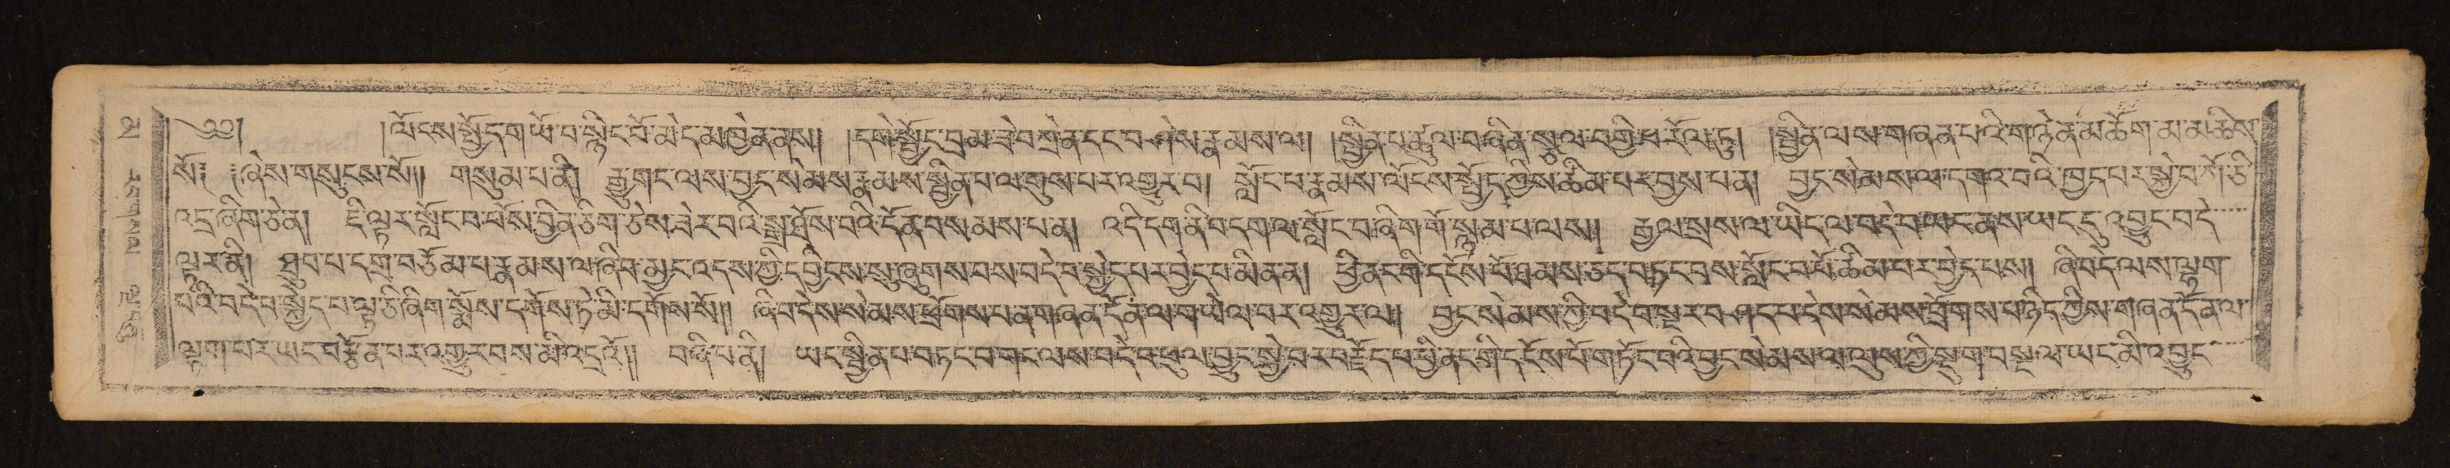༄༅། །ལོངས་སྤྱོད་གཡོ་བ་སྙིང་པོ་མེད་མཁྱེན་ནས། །དགེ་སྦྱོང་བྲམ་ཟེ་བཀྲེན་དང་བཤེས་རྣམས་ལ། །སྦྱིན་པ་ཚུལ་བཞིན་སྩལ་བགྱི་ཕ་རོལ་ཏུ། །སྦྱིན་ལས་གཞན་པའི་གཉེན་མཆོག་མ་མཆིས་
སོ༑ ༑ཞེས་གསུངས་སོ།། གསུམ་པ་ནི། རྒྱུ་གང་ལས་བྱང་སེམས་རྣམས་སྦྱིན་པ་ལ་གུས་པར་འགྱུར་བ། སློང་བ་རྣམས་ལོངས་སྤྱོད་ཀྱིས་ཚིམ་པར་བྱས་པ་ན། བྱང་སེམས་ལ་དགའ་བའི་ཁྱད་པར་སྐྱེ་བ་ཀོ་ཅི་
འདྲ་ཞིག་ཅེ་ན། ཇི་ལྟར་སློང་བ་པོས་བྱིན་ཅིག་ཅེས་ཟེར་བའི་སྒྲ་ཐོས་པའི་དོན་བསམས་པ་ན། འདི་དག་ནི་བདག་ལ་སློང་བ་ཞིག་གོ་སྙམ་པ་ལས། རྒྱལ་སྲས་ལ་ཡིད་ལ་བདེ་བ་ཡང་ནས་ཡང་དུ་འབྱུང་བ་དེ་
ལྟར་ནི། ཐུབ་པ་དགྲ་བཅོམ་པ་རྣམས་ལ་ཞི་བ་མྱང་འདས་ཀྱི་དབྱིངས་སུ་ཞུགས་པས་བདེ་བ་སྐྱེད་པར་བྱེད་པ་མིན་ན། ཕྱི་ནང་གི་དངོས་པོ་ཐམས་ཅད་བཏང་བས་སློང་བ་པོ་ཚིམ་པར་བྱེད་པས། ཞི་བ་དེ་ལས་ལྷག་
པའི་བདེ་བ་སྐྱེད་པ་ལྟ་ཅི་ཞིག་སྨོས་དགོས་ཏེ་མི་དགོས་སོ།། ཞི་བ་དེས་སེམས་ཕྲོགས་པ་ན་གཞན་དོན་ལ་གཡེལ་བར་འགྱུར་ལ། བྱང་སེམས་ཀྱི་བདེ་བ་སྔར་བཤད་པ་དེས་སེམས་ཕྲོགས་པ་ཉིད་ཀྱིས། གཞན་དོན་ལ་
ལྷག་པར་ཡང་བརྩོན་པར་འགྱུར་བས་མི་འདྲའོ།། བཞི་པ་ནི། ཡང་སྦྱིན་པ་བཏང་བ་གང་ལས་བདེ་བ་ཕུལ་བྱུང་སྐྱེ་བར་བརྗོད་པ་ཕྱི་ནང་གི་དངོས་པོ་གཏོང་བའི་བྱང་སེམས་ལ་ལུས་ཀྱི་སྡུག་བསྔལ་ཡང་མི་འབྱུང་